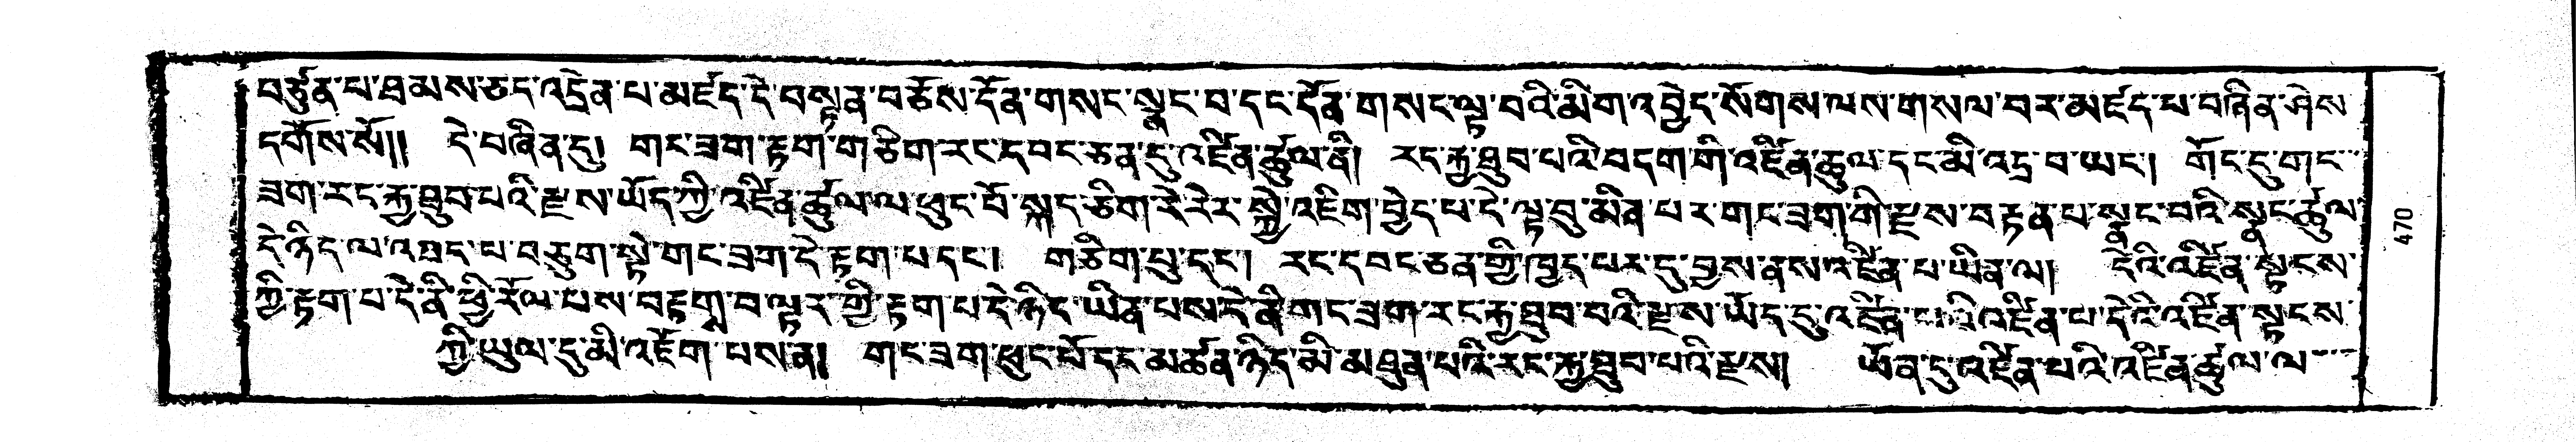བཙུན་པ་ཐམས་ཅད་འདྲེན་པ་མཛད་དེ་བསྟན་བཅོས་དོན་གསང་སྣང་བ་དང་དོན་གསང་ལྟ་བའི་མིག་འབྱེད་སོགས་ལས་གསལ་བར་མཛད་པ་བཞིན་ཤེས་
དགོས་སོ། །དེ་བཞིན་དུ། གང་ཟག་རྟག་གཅིག་རང་དབང་ཅན་དུ་འཛིན་ཚུལ་ནི། རང་རྐྱ་ཐུབ་པའི་བདག་གི་འཛིན་ཚུལ་དང་མི་འདྲ་བ་ཡང་། གོང་དུ་གང་
ཟག་རང་རྐྱ་ཐུབ་པའི་རྫས་ཡོད་ཀྱི་འཛིན་ཚུལ་ལ་ཕུང་པོ་སྐད་ཅིག་རེ་རེར་སྐྱེ་འཇིག་བྱེད་པ་དེ་ལྟ་བུ་མིན་པར་གང་ཟག་གི་རྫས་བརྟན་པ་སྣང་བའི་སྣང་ཚུལ་
དེ་ཉིད་ལ་འཐད་པ་བཅུག་སྟེ་གང་ཟག་དེ་རྟག་པ་དང་། གཅིག་པུ་དང་། རང་དབང་ཅན་གྱི་ཁྱད་པར་དུ་བྱས་ནས་འཛིན་པ་ཡིན་ལ། དེའི་འཛིན་སྟངས་
ཀྱི་རྟག་པ་དེ་ནི་ཕྱི་རོལ་པས་བརྟགས་པ་ལྟར་གྱི་རྟག་པ་དེ་ཉིད་ཡིན་པས་དེ་ནི་གང་ཟག་རང་རྐྱ་ཐུབ་པའི་རྫས་ཡོད་དུ་འཛིན་པའི་འཛིན་པ་དེའི་འཛིན་སྟངས་
ཀྱི་ཡུལ་དུ་མི་འཇོག་པས་ན། གང་ཟག་ཕུང་པོ་དང་མཚན་ཉིད་མི་མཐུན་པའི་རང་རྐྱ་ཐུབ་པའི་རྫས། ཡོན་དུ་འཛིན་པའི་འཛིན་ཚུལ་ལ་